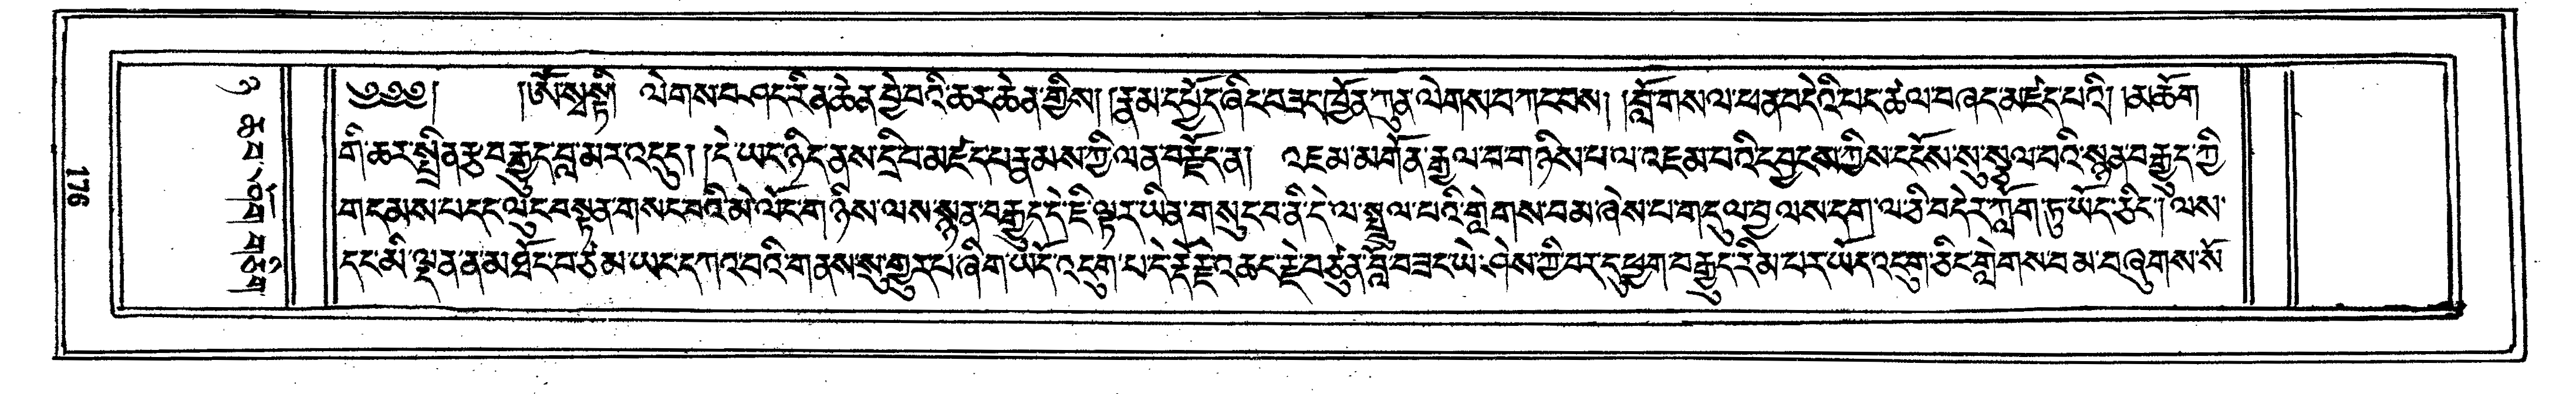༄༅༅། །ཨོཾ་སྭ་སྟི། ལེགས་བཤད་རིན་ཆེན་བྱེ་བའི་ཆར་ཆེན་གྱིས། །རྣམ་དཔྱོད་ཞིང་བཟང་ཁྱོད་ཀུན་ལེགས་བཀང་བས། །བློ་གསལ་ཕན་བདེའི་པད་ཚལ་བཞད་མཛད་པའི། །མཆོག་
གི་ཆར་སྦྲིན་རྩ་བརྒྱུད་བླ་མར་འདུད། །དེ་ཡང་ཉིད་ནས་དྲི་བ་མཛད་པ་རྣམས་ཀྱི་ལན་བརྗོད་ན། འཇམ་མགོན་རྒྱལ་བ་གཉིས་པ་ལ་འཇམ་པའི་དབྱངས་ཀྱིས་དངོས་སུ་སྩལ་བའི་སྙན་བརྒྱུད་ཀྱི་
གདམས་པ་དང་ལུང་བསྟན་གསང་བའི་མེ་ལོང་གཉིས་ལས་སྙན་བརྒྱུད་དེ་ཇི་ལྟར་ཡིན་གསུང་བ་ནི་དེ་ལ་སྦྲུལ་པའི་གླེགས་བམ་ཞེས་པ་གདུལ་བྱ་ལས་དག་ལ་ཅི་བདེར་ཀློ་ག་ཏུ་ཡོད་ཅིང་། ལས་
དང་མི་ལྡན་ན་མཐོང་བ་ཙམ་ཡང་དཀའ་བའི་གནས་སུ་གྱུར་པ་ཞིག་ཡོད་འདུག་པ་དེ་རྡོ་རྗེ་འཆད་རྗེ་བཙུན་བློ་བཟང་ཡེ་ཤེས་ཀྱི་བར་དུ་ཕྱག་བརྒྱུད་རིམ་པར་ཡོད་འདུག་ཅིང་གླེགས་བམ་བཞུགས་སུ་